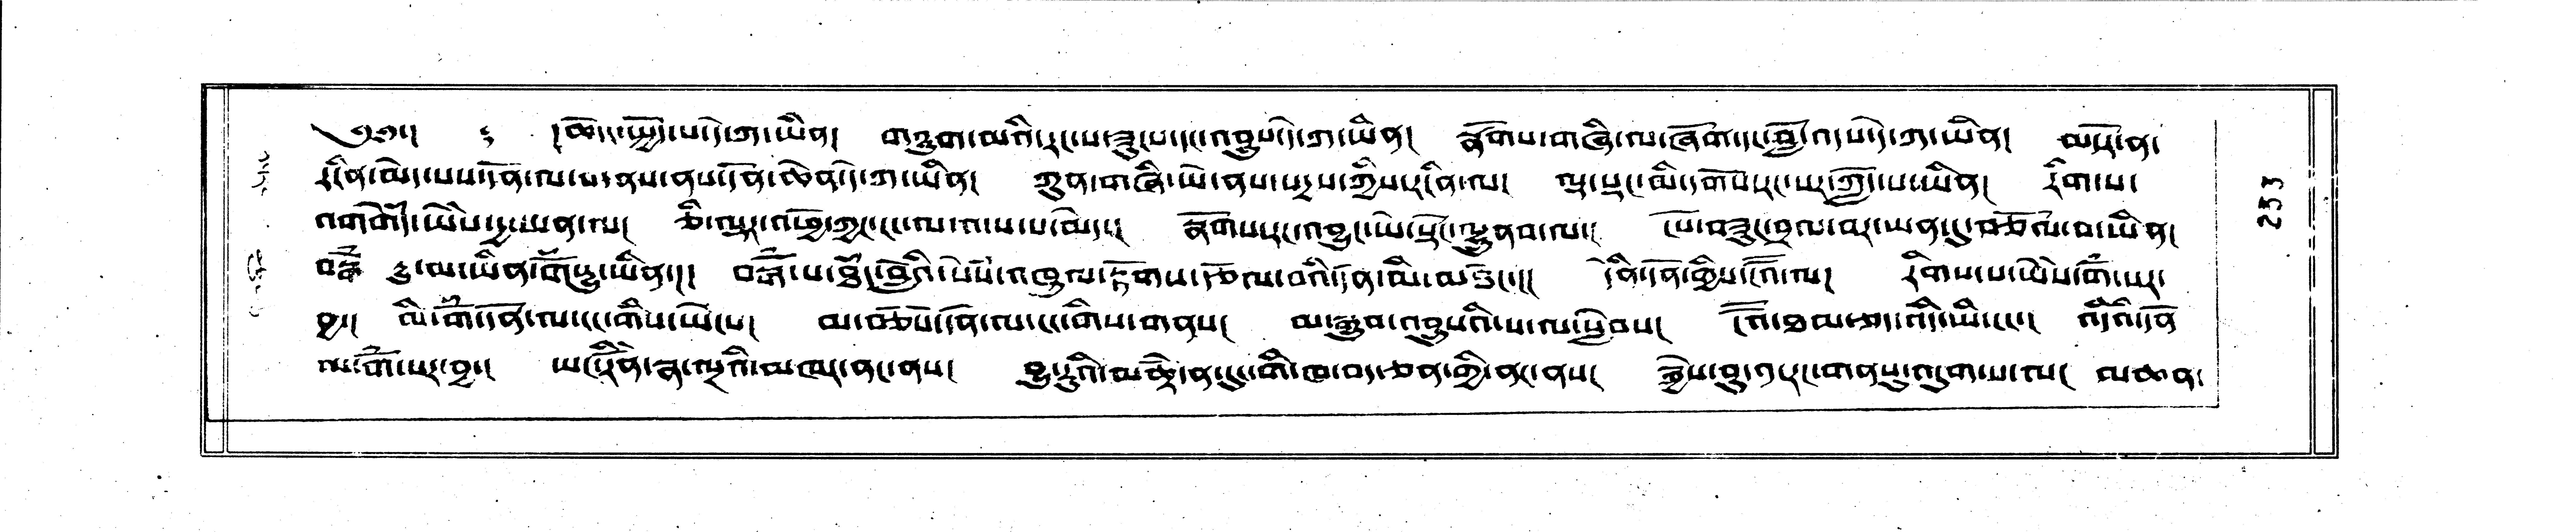ཆོད་དང་‘‘སྤྱོད་པ”དེ་ཀ་ཡིན། གཉུག་མ་རང་ས་ཟུངས་དང་འབྲས་བུ་དེ་ཀ་ཡིན། སྣ་ཚོགས་གཞི་ལ་ཞོག་དང་བློ་འདས་དེ་ཀ་ཡིན། མདོར་ན་
རང་བཞིན་མེད་པའི་དོན་ལ་གནས་ན་དོན་ཆེན་དེ་ཀ་ཡིན། ཀུན་གཞིའི་ཡེ་ནས་སངས་རྒྱས་ཀྱི་རང་བཞིན་ལ། ལྟ་སྟངས་མི་དགོས་རང་སར་ཀློད་པ་ཡིན། རིག་པ་
འགག་མེད་ཀྱིས་ཡེ་ཤེས་རྒྱ་ཡན་ལ། ཅི་ལྟར་བྱས་ཀྱང་ངང་ལ་འདས་པ་མེད། སྣ་ཚོགས་རང་འབྱུང་ཡེ་སྟོང་ལྷུན་གྲུབ་ལ། ངོས་བཟུང་བྲལ་བར་ཡན་དུ་བཅོལ་བ་ཡིན། 
སྒོམས་རྒྱུ་མ་ཡིན་གོམས་རྒྱུ་ཡིན། བྷེད་‘‘སྒོམ”པ་ཐམས་ཅད་བློའི་སེམས། འཁྲུལ་རྟོག་རྩོལ་བས་དོན་མི་མཐོང་། དེ་ནི་དོན་གྱི་ངོའོ་ལ། རིག་པའི་ཡེ་ཤེས་གོམ་པར་
བྱ། མི་སྒོམས་དོན་ལ་ངང་གིས་ཡེངས། མ་བཅོས་དོན་ལ་ངང་གིས་གནས། མ་སྒྲུབས་འབྲས་བུ་ས་ལ་སླེབ། ཐམས་ཅད་ངོའོ་འདིའི་ངང་། འདིའི་དོན་
ལ་གོམ་པར་བྱ། ཡང་རིན་པོ་ཆེ་སྣ་ལྔའི་མཁར་ནང་ན། བྱི་རུའི་མཆོད་རྟེན་དུང་གིས་བ་གམ་(འམ)ཅན་གཅིག་གིས་ནང་ནས། སྐྱེས་བུ་རང་གནས་སུ་འདུག་པ་ལ། མཆེན་‘‘མཆན”